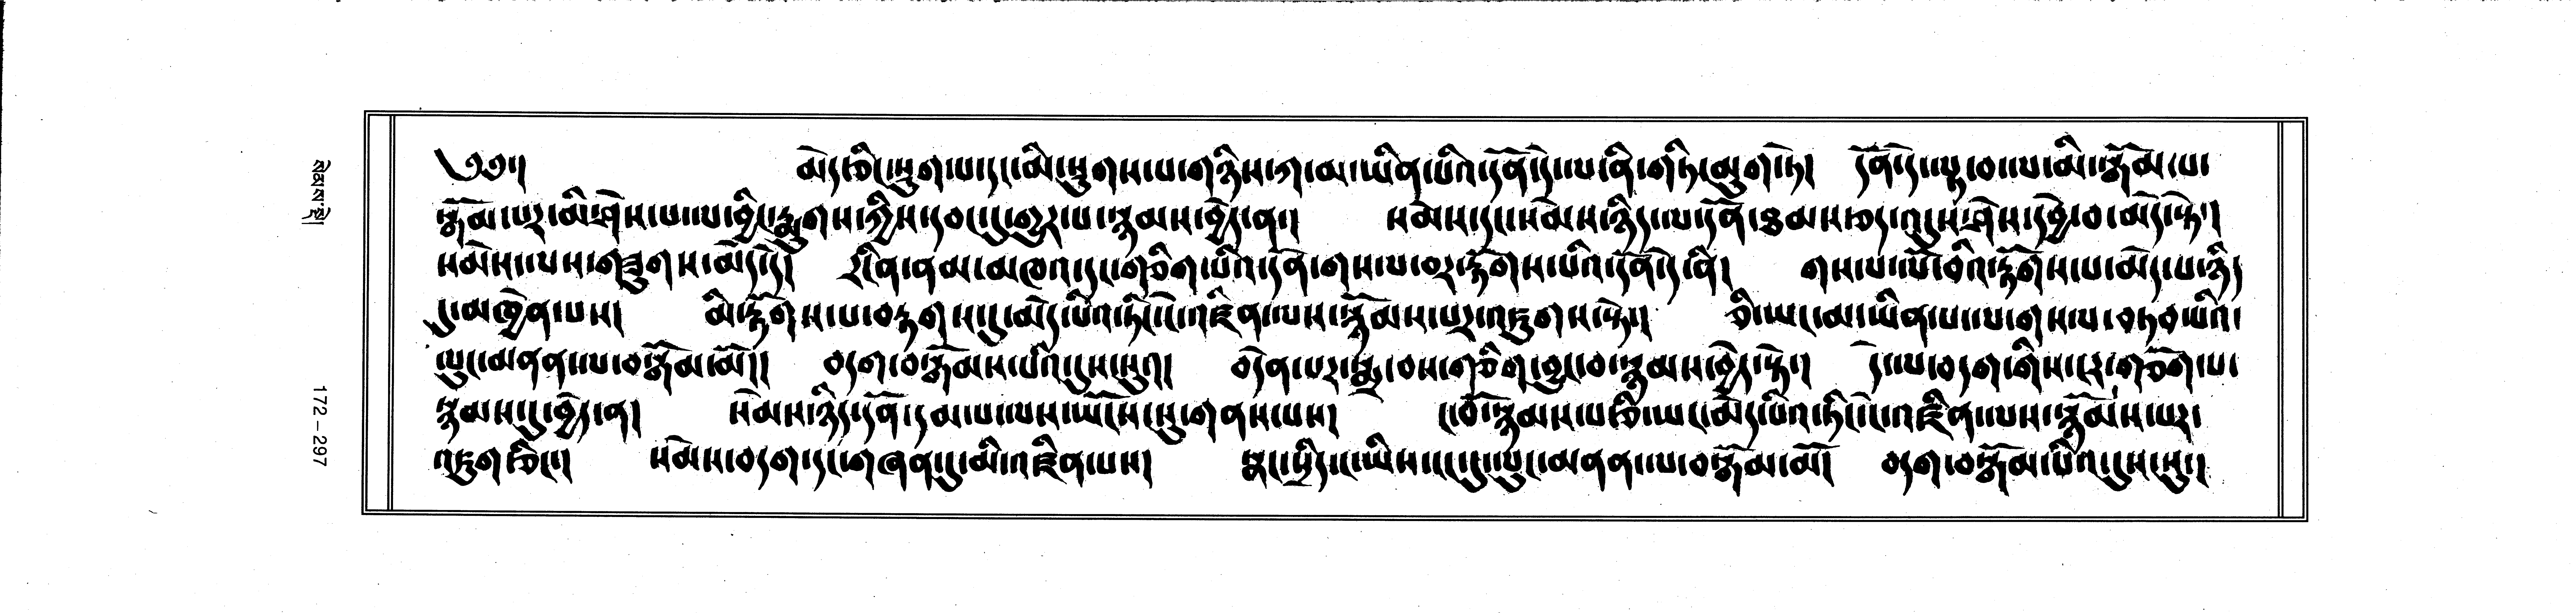མེད་ཅིང་ལྡུག་པ་དང་མི་ལྡུག་པ་གཉིས་ཀ་མ་ཡིན་པའི་དོན་དེ་ལ་ནི་གཏི་མུག་ཏེ། དོན་དེ་ལྟ་བ་ལ་མི་སྒོམ་པ་
སྒོམ་པར་མི་ཤེས་པ་ལ་བྱིང་རྨུགས་ཀྱིས་དབང་དུ་གྱུར་པ་སྙམས་བྱེད་ན། སེམས་དང་སེམས་ཉིད་ལ་དོན་ཐམས་ཅད་འདུས་ཤེས་དབྱེ་བ་མེད་སྟེ། 
སེམས་ལས་གཟུགས་མེད་དེ། རང་བཞིན་ནམ་མཁའ་དང་གཅིག་པའི་དོན་གསལ་བར་རྟོགས་པའི་དོན་དེ་ནི། གསལ་ལོ་བའི་རྟོགས་པ་མེད་པ་ཉིད་
དུ་མཁྱེན་པས། མི་རྟོགས་པ་བརྟགས་དུ་མེད་པའི་ཏིང་ངེ་འཛིན་ལས་སྙོམས་པར་འཇུགས་སྟེ། ཅི་ཡང་མ་ཡིན་པ་ལ་གསལ་བཏབ་པའི་
ལུང་མནན་ལ་བསྒོམ་མོ། བདག་བསྒོམས་པའི་དུས་སུ། བདེན་པར་སྨྲ་བས་གཅིག་བྱུང་བ་སྙམས་བྱེད་སྟེ། དེ་ལ་བདག་གིས་ངར་གཅོག་པ་
སྙམས་དུ་བྱེད་ན། སེམས་ཉིད་དོན་དམ་པ་ལས་ཡོངས་སུ་གནས་པས། ང་བོ་སྙམས་པ་ཅི་ཡང་མེད་པའི་ཏིང་ངེ་འཛིན་ལས་སྙམས་པར་
འཇུག་ཅིང་། སེམས་བདག་དང་གཞན་དུ་མི་འཛིན་པས། སྣང་སྲིད་ང་ཡིས་ངང་དུ་ལུང་མནན་ལ་བསྒོམ་མོ། བདག་བསྒོམ་པའི་དུས་སུ་